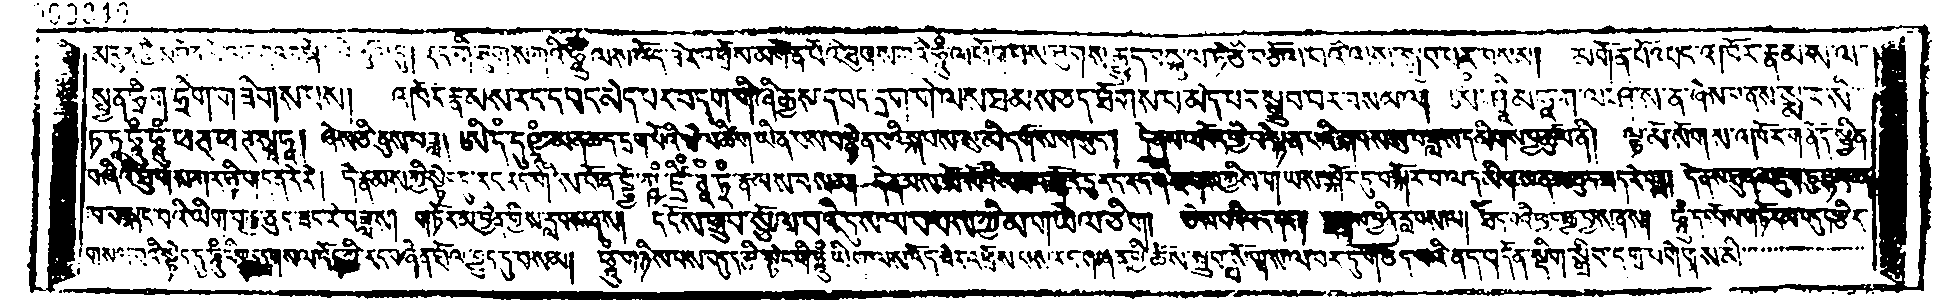མདུན་གྱི་མགོན་པོ་ལ་བཀའ་བསྐོ་བའི་ཚུལ་དུ། རང་གི་ཐུགས་ཀའི་ཧཱུཾ་ལས་འོད་ཟེར་འཕྲོས་མགོན་པོའི་ཐུགས་ཀའི་ཧཱུཾ་ལ་ཕོག་པས་ཐུགས་རྒྱུད་བསྐུལ་ཏེ་ཅི་བཅོལ་བའི་ལས་སྒྲུབ་པར་བསམ།  མགོན་པོ་ཡང་འཁོར་རྣམས་ལ་
སྤྱན་ཧྲིག་ཧྲིག་གཟིགས་པས། འཁོར་རྣམས་རང་དབང་མེད་པར་བདག་གི་ཞི་རྒྱས་དབང་དྲག་གི་ལས་ཐམས་ཅད་ཐོགས་པ་མེད་པར་སྒྲུབ་པར་བསམ་ལ།  ཨོཾ་ཤྲཱི་མཧཱ་ཀ་ལ་ཤ་ས་ན་ཞེས་པ་ནས་སྨ་ར་སི་
ཏ་ཏཱ་ཧཱུཾ་ཧཱུཾ་ཕཊ་ཕཊ་སྭཱཧཱ། ཞེས་ཅི་ནུས་བཟླ།  ཨི་དཾ་དུཥྚཾ་མན་ཆད་དྲག་པོའི་སྤེལ་ཚིག་ཡིན་པས་བསྙེན་པའི་སྐབས་སུ་མི་དགོས་གསུང་། དེ་ནས་འཁོར་གྱི་བསྙེན་པའི་སྐབས་སུ་བཟླས་དམིགས་བྱ་ཚུལ་ནི། ལྷ་མོ་སོགས་འཁོར་གནོད་སྦྱིན་
བཞིའི་ཐུགས་ཀར་ཉི་གདན་རེ་རེ། དེ་རྣམས་ཀྱི་སྟེང་དུ་རང་རང་གི་ས་བོན་བྷྱོ་ཀྵཾ་ཛྲིཾ་ཊཱཾ་ཏྲཾ་རྣམས་བསམ།  དེ་རྣམས་སོ་སོའི་མཐའ་སྐོར་དུ་རང་རང་གི་སྔགས་ཀྱིས་གཡས་སྐོར་དུ་བསྐོར་བ་ལ་དམིགས་ནས་ཅུང་ཟད་རེ་བཟླ། དེ་ནས་ཐུན་མཇུག་ཏུ་ལྷག་ཆད་
ཁ་བསྐང་བའི་ཡིག་བརྒྱ་ཅུང་ཟད་རེ་བཟླས། གཏོར་མ་བྱིན་གྱིས་རླབས་ནས། དངོས་གྲུབ་སྩོལ་བའི་དུས་ལ་བབས་ཀྱི་མ་གཡེལ་ཅིག ། ཅེས་པའི་བར་དང་། ལྗགས་བྱིན་རླབས་ལ། ཐོད་པའི་ཕྱག་རྒྱ་བྱས་ནས།  ཧཱུཾ་དང་པོས་གཏོར་མ་བདུད་རྩིར་
གསལ་བའི་སྟེང་དུ་ཧཱུཾ་ཡིག་དྭངས་གསལ་འོད་ཀྱི་རང་བཞིན་ཐོལ་བྱུང་དུ་བསམ། ཧཱུཾ་གཉིས་པས་བདུད་རྩི་སྟེང་གི་ཧཱུཾ་ཡིག་ལས་འོད་ཟེར་འཕྲོས་པས་རང་གཞན་གྱི་ཆོས་སྒྲུབ་པ་སོགས་ལ་བར་དུ་གཅོད་པའི་ནད་གདོན་སྡིག་སྒྲིབ་དགྲ་བགེགས་མི་